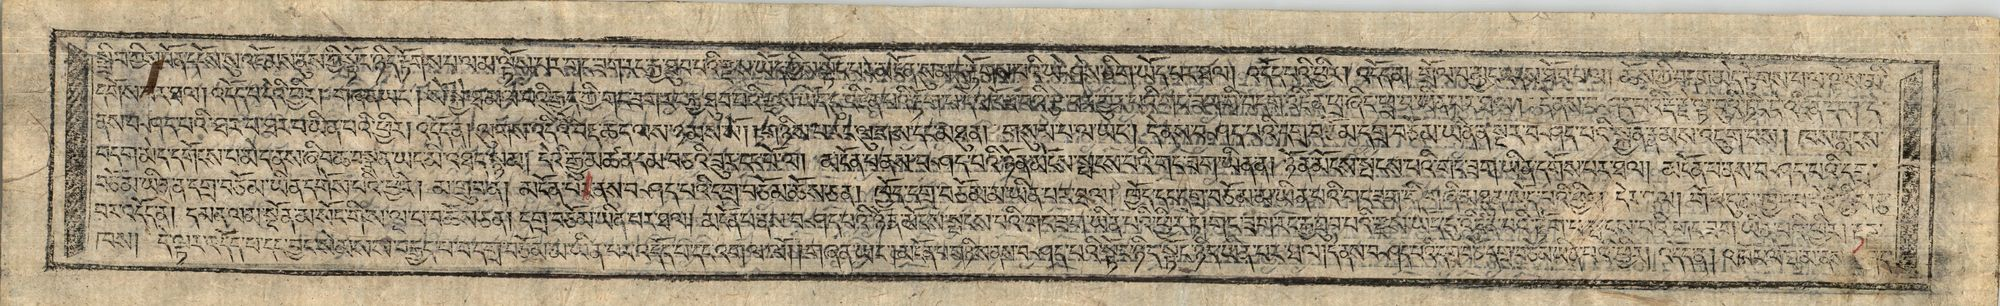སྒྲིབ་ཀྱི་ས་བོན་དངོས་སུ་འཇོམས་ནུས་ཀྱི་སྟོང་ཉིད་རྟོགས་པ་ལ་མ་ལྟོས་པར་གང་ཟག་རང་རྐྱ་ཐུབ་པའི་རྫས་ཡོད་ཀྱིས་སྟོང་པར་མངོན་སུམ་དུ་རྟོགས་པའི་ཡེ་ཤེས་ཅིག་ཡོད་པར་ཐལ། འདོད་པའི་ཕྱིར། འདོད་ན། གྲོལ་བ་མྱང་འདས་ཐོབ་པ་ལ། ཆོས་ཀྱི་བདག་མེད་རྟོགས་པ་ལ་ལྟོས་མི་
དགོས་པར་ཐལ། འདོད་པ་དེའི་ཕྱིར། གཞན་ཡང་། སོ་སྐྱེ་ཐ་མལ་པའི་རྒྱུད་ཀྱི་གང་ཟག་རང་རྐྱ་ཐུབ་པའི་རྫས་ཡོད་དུ་འཛིན་པའི་རྟོག་པ་དེ་འཁོར་བའི་རྩ་བར་གྱུར་པའི་གང་ཟག་གི་བདག་འཛིན་ཕྲ་ཞིང་ཕྲ་བ་ཡིན་པར་ཐལ། དེ་ནས་བཤད་པའི་རྡོ་རྗེ་ལྟ་བུའི་ཏིང་ངེ་འཛིན་དང་། དེ་
ནས་བཤད་པའི་ཐར་པ་ཐར་པ་ཡིན་པའི་ཕྱིར། འདོད་ན། ལུགས་འདིའི་བརྡ་ཆད་ལས་ཉམས་སོ། །གཉིས་པ་རང་ལུགས་དང་མཐུན། གསུམ་པ་ལ་ཡང་། དེ་ནས་བཤད་པའི་དགྲ་བཅོམ་དགྲ་བཅོམ་ཡིན་ན་སྔར་བཤད་པའི་སྐྱོན་རྣམས་འཇུག་པས། ཁས་བླངས་
བདག་མེད་དགོངས་པ་མེད་ནས་ཞིབ་ཆ་བསྣན་ཡང་མི་འཐད་སྙམ། དེའི་རྒྱུ་མཚན་དམ་བཅའི་ཟུར་དང་པོ་ལ། མངོན་པ་ནས་བཤད་པའི་ཉོན་མོངས་སྤངས་པའི་གང་ཟག་ཡིན་ན། ཉོན་མོངས་སྤངས་པའི་གང་ཟག་ཡིན་དགོས་པར་ཐལ། མངོན་པ་ནས་བཤད་པའི་དགྲ་
བཅོམ་ཡིན་ན་དགྲ་བཅོམ་ཡིན་དགོས་པའི་ཕྱིར། མ་གྲུབ་ན། མངོན་པ་ནས་བཤད་པའི་དགྲ་བཅོམ་ཆོས་ཅན། ཁྱོད་དགྲ་བཅོམ་མ་ཡིན་པར་ཐལ། ཁྱོད་དང་དགྲ་བཅོམ་མ་ཡིན་པའི་གང་ཟག་གི་གཞི་མཐུན་ཡོད་པའི་ཕྱིར། དེར་ཐལ། གོང་དུ་མ་ཁྱབ་པ་དེའི་ཕྱིར། རྩ་
བར་འདོད་ན། དམན་ལམ་སྔོན་མ་སོང་གིས་ལྔ་པ་བ་ཆོས་ཅན། དགྲ་བཅོམ་ཡིན་པར་ཐལ། མངོན་པ་ནས་བཤད་པའི་ཉོན་མོངས་སྤངས་པའི་གང་ཟག་ཡིན་པའི་ཕྱིར་ཏེ། གང་ཟག་རང་རྐྱ་ཐུབ་པའི་རྫས་ཡོད་དུ་འཛིན་པའི་རྟོག་པ་སྤངས་པའི་གང་ཟག་ཡིན་པའི་ཕྱིར། རྟཌ་
ཁས། དེ་ལྟར་འདོད་པ་དང་བྱང་སེམས་ས་བརྒྱད་པ་བ་དགྲ་བཅོམ་མ་ཡིན་པར་འདོད་པ་དང་འགལ་ལོ། །གཞན་ཡང་། མངོན་པ་གཉིས་ནས་བཤད་པའི་སྟོང་ཉིད་སྟོང་ཉིད་ཡིན་པར་ཐལ། དེ་ནས་བཤད་པའི་དགྲ་བཅོཾ་དགྲ་བཅོམ་ཡིན་པའི་ཕྱིར། འདོད་ན། འཁོར་ལོ་ཐ་མ་ནས་བཤད་